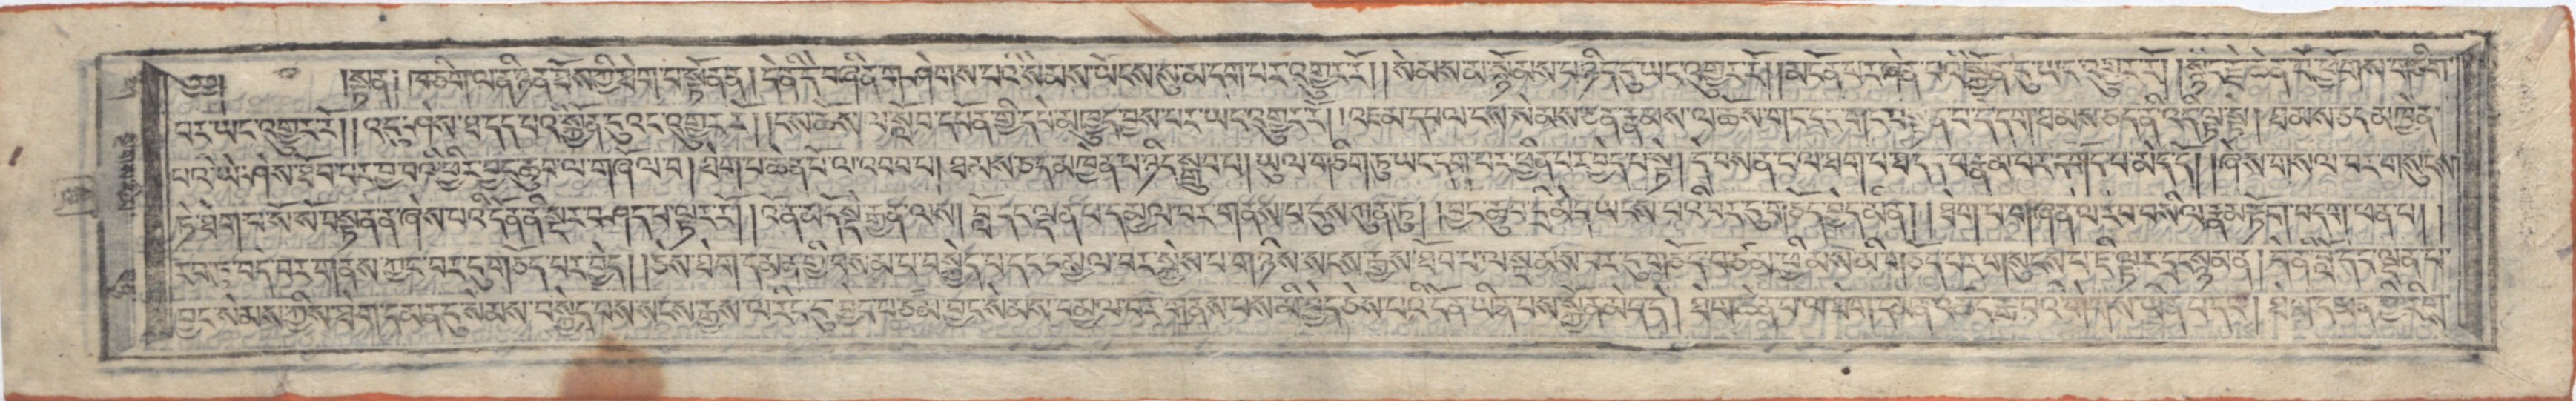༄༅། །སྟན། ཁ་ཅིག་ལ་ནི་ཉན་ཐོས་ཀྱི་ཐེག་པ་སྟོན་ན། དེ་ནི་དེ་བཞིན་གཤེགས་པའི་སེམས་ཡོངས་སུ་མ་དག་པར་འགྱུར་རོ། །སེམས་མ་སྙོམས་པ་ཉིད་དུ་ཡང་འགྱུར་རོ། །མངོན་པར་ཞེན་པའི་སྐྱོན་དུ་ཡང་འགྱུར་རོ། །སྙིང་རྗེ་ཆེན་པོ་ཕྱོགས་གཅིག་
པར་ཡང་འགྱུར་རོ། །འདུ་ཤེས་ཐ་དད་པའི་སྐྱོན་དུའང་འགྱུར་རོ། །ངས་ཆོས་ལ་སློབ་དཔོན་གྱི་དཔེ་མཁྱུད་བྱས་པར་ཡང་འགྱུར་རོ། །འཇམ་དཔལ་ངས་སེམས་ཅན་རྣམས་ལ་ཆོས་གང་དང་གང་བསྟན་པ་དེ་དག་ཐམས་ཅད་ནི་འདི་ལྟ་སྟེ། ཐམས་ཅད་མཁྱེན་
པའི་ཡེ་ཤེས་ཐོབ་པར་བྱ་བའི་ཕྱིར་བྱང་ཆུབ་ལ་གཞོལ་བ། ཐེག་པ་ཆེན་པོ་ལ་འབབ་པ། ཐམས་ཅད་མཁྱེན་པ་ཉིད་སྒྲུབ་པ། ཡུལ་གཅིག་ཏུ་ཡང་དག་པར་ཕྱིན་པར་བྱེད་པ་སྟེ། དེ་བས་ན་ང་ལ་ཐེག་པ་ཐ་དད་པ་རྣམ་པར་དགོད་པ་མེད་དོ། །ཞེས་གསལ་བར་གསུངས་
ཏེ་ཐེག་པ་སོ་སོ་བསྟན་ན་ཞེས་པའི་དོན་ནི་སྔར་བཤད་པ་ལྟར་རོ། །འོ་ན་མདོ་སྡེ་རྒྱན་ལས། བློ་དང་ལྡན་པ་དམྱལ་བར་གནས་པ་དུས་ཀུན་ཏུ། །བྱང་ཆུབ་དྲི་མེད་ཡངས་པའི་བར་དུ་གཅོད་བྱེད་མིན། །ཐེག་པ་གཞན་ལ་རབ་བསིལ་རྣམ་རྟོག་བདག་ཕན་པ། །
རབ་ཏུ་བདེ་བར་གནས་ཀྱང་བར་དུ་གཅོད་པར་བྱེད། །ཅེས་ཐེག་དམན་གྱི་བསམ་པ་བསྐྱེད་པ་དང་དམྱལ་བར་སྐྱེས་པ་གཉིས་སངས་རྒྱས་ཐོབ་པ་ལ་སྔ་མས་བར་དུ་གཅོད་པ་ཙམ་ཕྱི་མས་མི་གཅོད་པར་གསུངས་པ་ཇི་ལྟར་དྲང་སྙམ་ན། དེ་ནི་བློ་དང་ལྡན་པ་
བྱང་སེམས་ཀྱིས་ཐེག་དམན་དུ་སེམས་བསྐྱེད་པས་སངས་རྒྱས་ལ་རིང་དུ་བྱེད་པ་ཙམ་བྱང་སེམས་དམྱལ་བར་གནས་པས་མི་བྱེད་ཅེས་པའི་དོན་ཡིན་པས་སྐྱོན་མེད་དེ། ཐེག་ཆེན་པ་ལ་ཐེག་དམན་འཚང་རྒྱ་བའི་གེགས་ཡིན་པ་དང་། ཐེག་དམན་གྱི་རིགས་